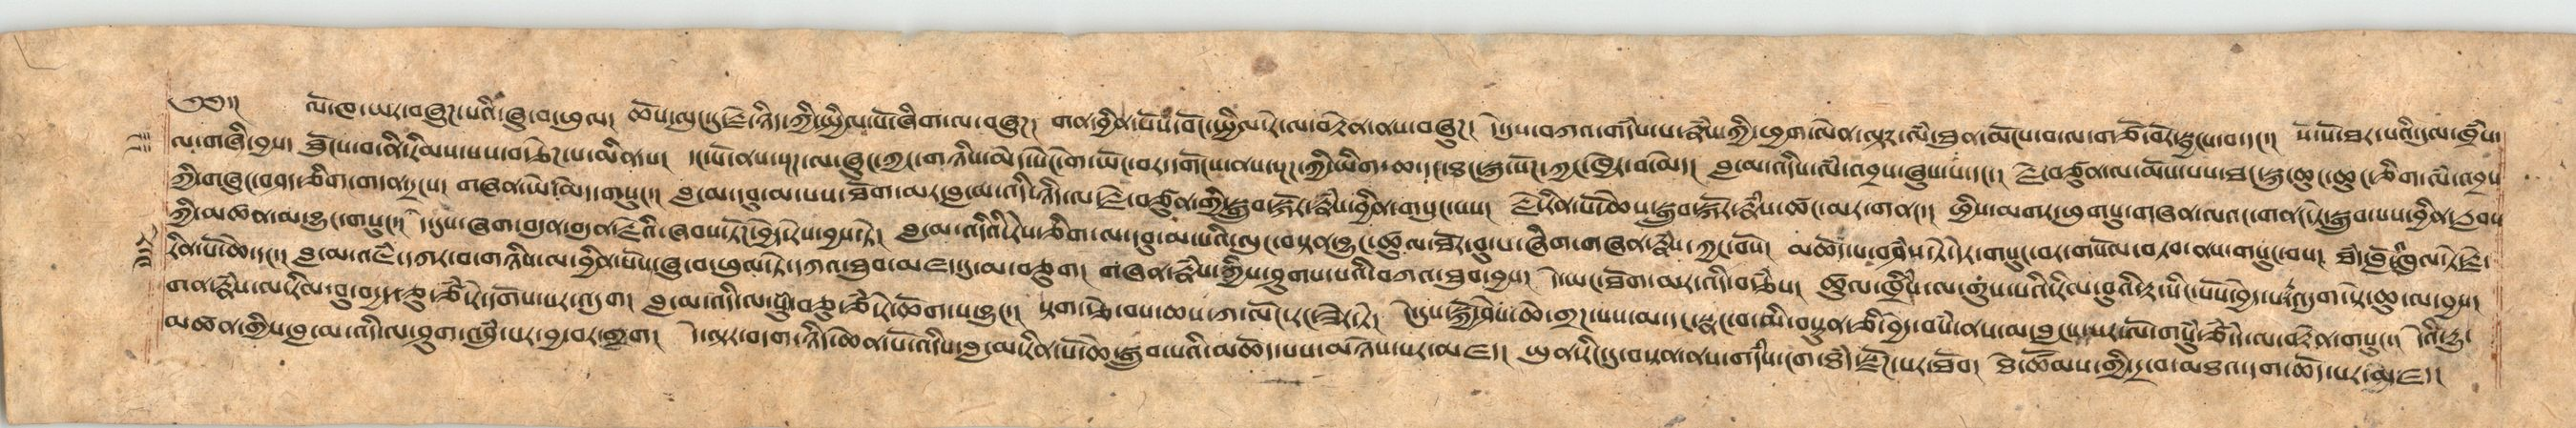༄༅་། ལོ་ཁ་ཡར་བཞུཌ་པའི་ཞུ་བ་ཕུལ། ཆོས་ལུང་དུ་རྗེ་ཉིད་ཀྱི་སྤྱིལ་པོ་ཞིག་ལ་བཞུཌ། གན་བྱིན་པོས་བོང་སྤྱིལ་རེ་ལ་བརྟེན་ནས་བཞུཌ། དེ་དུས་བཀའ་གདཾས་པ་རྣཾས་ཀྱི་ཕྱག་ལེན་ལྟར་ལཾ་ཐུན་མོང་བ་ལ་གཙོ་བོར་སྦྱངས་བ་དང་། སོ་སོ་ཐར་པའི་དུལ་ཁྲཾས་
ལ་གཞི་བྱས། ཐོུངས་བ་ནི་རིམ་པས་བརྩེཌ་པ་མིན་པ། དང་པོ་ནས་སྔཌ་ལ་ཞུཌ་ཀྱང་གཉིས་མེད་སེང་གེ་ཡོང་བར་དགོངས་ནས་སྔཌ་ཀྱི་ཡིག་ཆ་དང་ཐང་སྐུ་སོཌ་ཀྱང་ཁྱེར་བ་མེད། བླ་མ་འདིས་ལཾ་འབྲས་ཞུས་པ་དང་། རྗེ་བཙུན་ལ་མོས་པས་ཐང་སྐུ་ཆུང་ཆུང་ཅིག་ལཾ་འབྲས
ཀྱི་གཞུང་བཤད་ཅིག་གདན་དྲངས། གཞན་ཡེ་མེད་གསུང་། བླ་མ་དབུ་མ་པས་ཐོག་མར་བླ་མ་འདི་ཉིད་ལ་རྗེ་བཙུན་གྱི་སྒྲུབ་སྐོར་རྣཾས་བྱིན་གསུང་པས། རྗེ་རིན་པོ་ཆེས་སྒྲུབ་སྐོར་རྣཾས་ཚང་མར་གནང་། ཕྱིས་མགར་ཕུགསུ་གཞན་ལའང་གནང་ཏེ་སྒྲུབ་པས་བྱིན་རླབས
ཀྱི་མཚན་མ་བྱུང་གསུང་། དེ་དུས་ཞག་བདུན་བདུན་རྗེའི་ཞབས་ཏོཌ་བྱེད་རེས་བྱས་ཏེ། བླ་མ་འདིའི་རེས་ཅིག་ལ་དབུ་མ་པའི་ལུང་བསྟན་བྱུང་ཚུལ་ཐོར་བུ་པ་ཞིག་གཞན་རྣཾས་ཀྱང་བོས། མཆོད་པ་བཤཾས་ཏེ་དེར་གསུང་བར་གསོལ་བ་བཏབ་ནས་གསུང་བས། ཐཾད་བློ་འཁུལ་ཏེ་རྗེ་
རིན་པོ་ཆེ་དང་། བླ་མ་འཇཾ་དཀར་བ་གཉིས་ལ་བྱིན་པོས་ཞུ་བ་ཕུལ་ཏེ་དཀའ་ཐུབ་མཛད་དུ་མ་བཅུག། གཞན་རྣཾས་ཀྱིས་ཤུགས་པའི་དཀའ་ཐུབ་བྱས། དེ་ཡང་ཐོག་མར་འདི་བརྩཾས། ཚུལ་ཁྲིཾས་ལ་གུས་པས་རིལ་བུའི་རྟ་སིང་པོས་བྱེད་པ་འདུག་སྟེ་ཆུ་ལ་བྱས།
གན་རྣཾས་ལ་རིལ་བུ་བདྱད་ཅུ་ཙཾ་རེ་དགོས་པར་འདུག། བླ་མ་འདི་ལ་སུཾ་ཅུ་ཙཾ་རེས་ཆོག་པར་བྱུང་། སྟག་རྩེ་བས་ཆས་ཀ་ལོང་རང་ཟེར་ཏེ། དེ་དུས་སྐྱོ་ཤེས་ཆེ་གྲཌ་པས་མ་དང་སྣང་བ་མི་བསྟུན་ཅི་བྱེད་བསཾ་ནས་མ་བླངས་པར་ལོ་གསུཾ་ཙཾ་དེ་ལ་བརྟེན་གསུང་། དེའི་དྱུ་
མཚན་གྱིས་བླ་མ་འདི་ལ་ཤུག་འབྲུཾ་པ་བྱ་བར་གྲག། དེ་ལྟར་བདག་ཉིད་ཆེན་པོ་འདིས་བླ་མ་རིན་པོ་ཆེ་སྒྲུབ་པའི་མཆོད་པས་མཉེས་པར་མཛད། ཡུན་རིང་དུ་བསྟན་ནས་གདཾས་ངག་ཐཾད་སྫོཌ་པར་ཐོབ། ཐེ་ཚོམས་གྱི་དྲ་བ་མཐའ་དག་ཆོད་པར་མཛད།